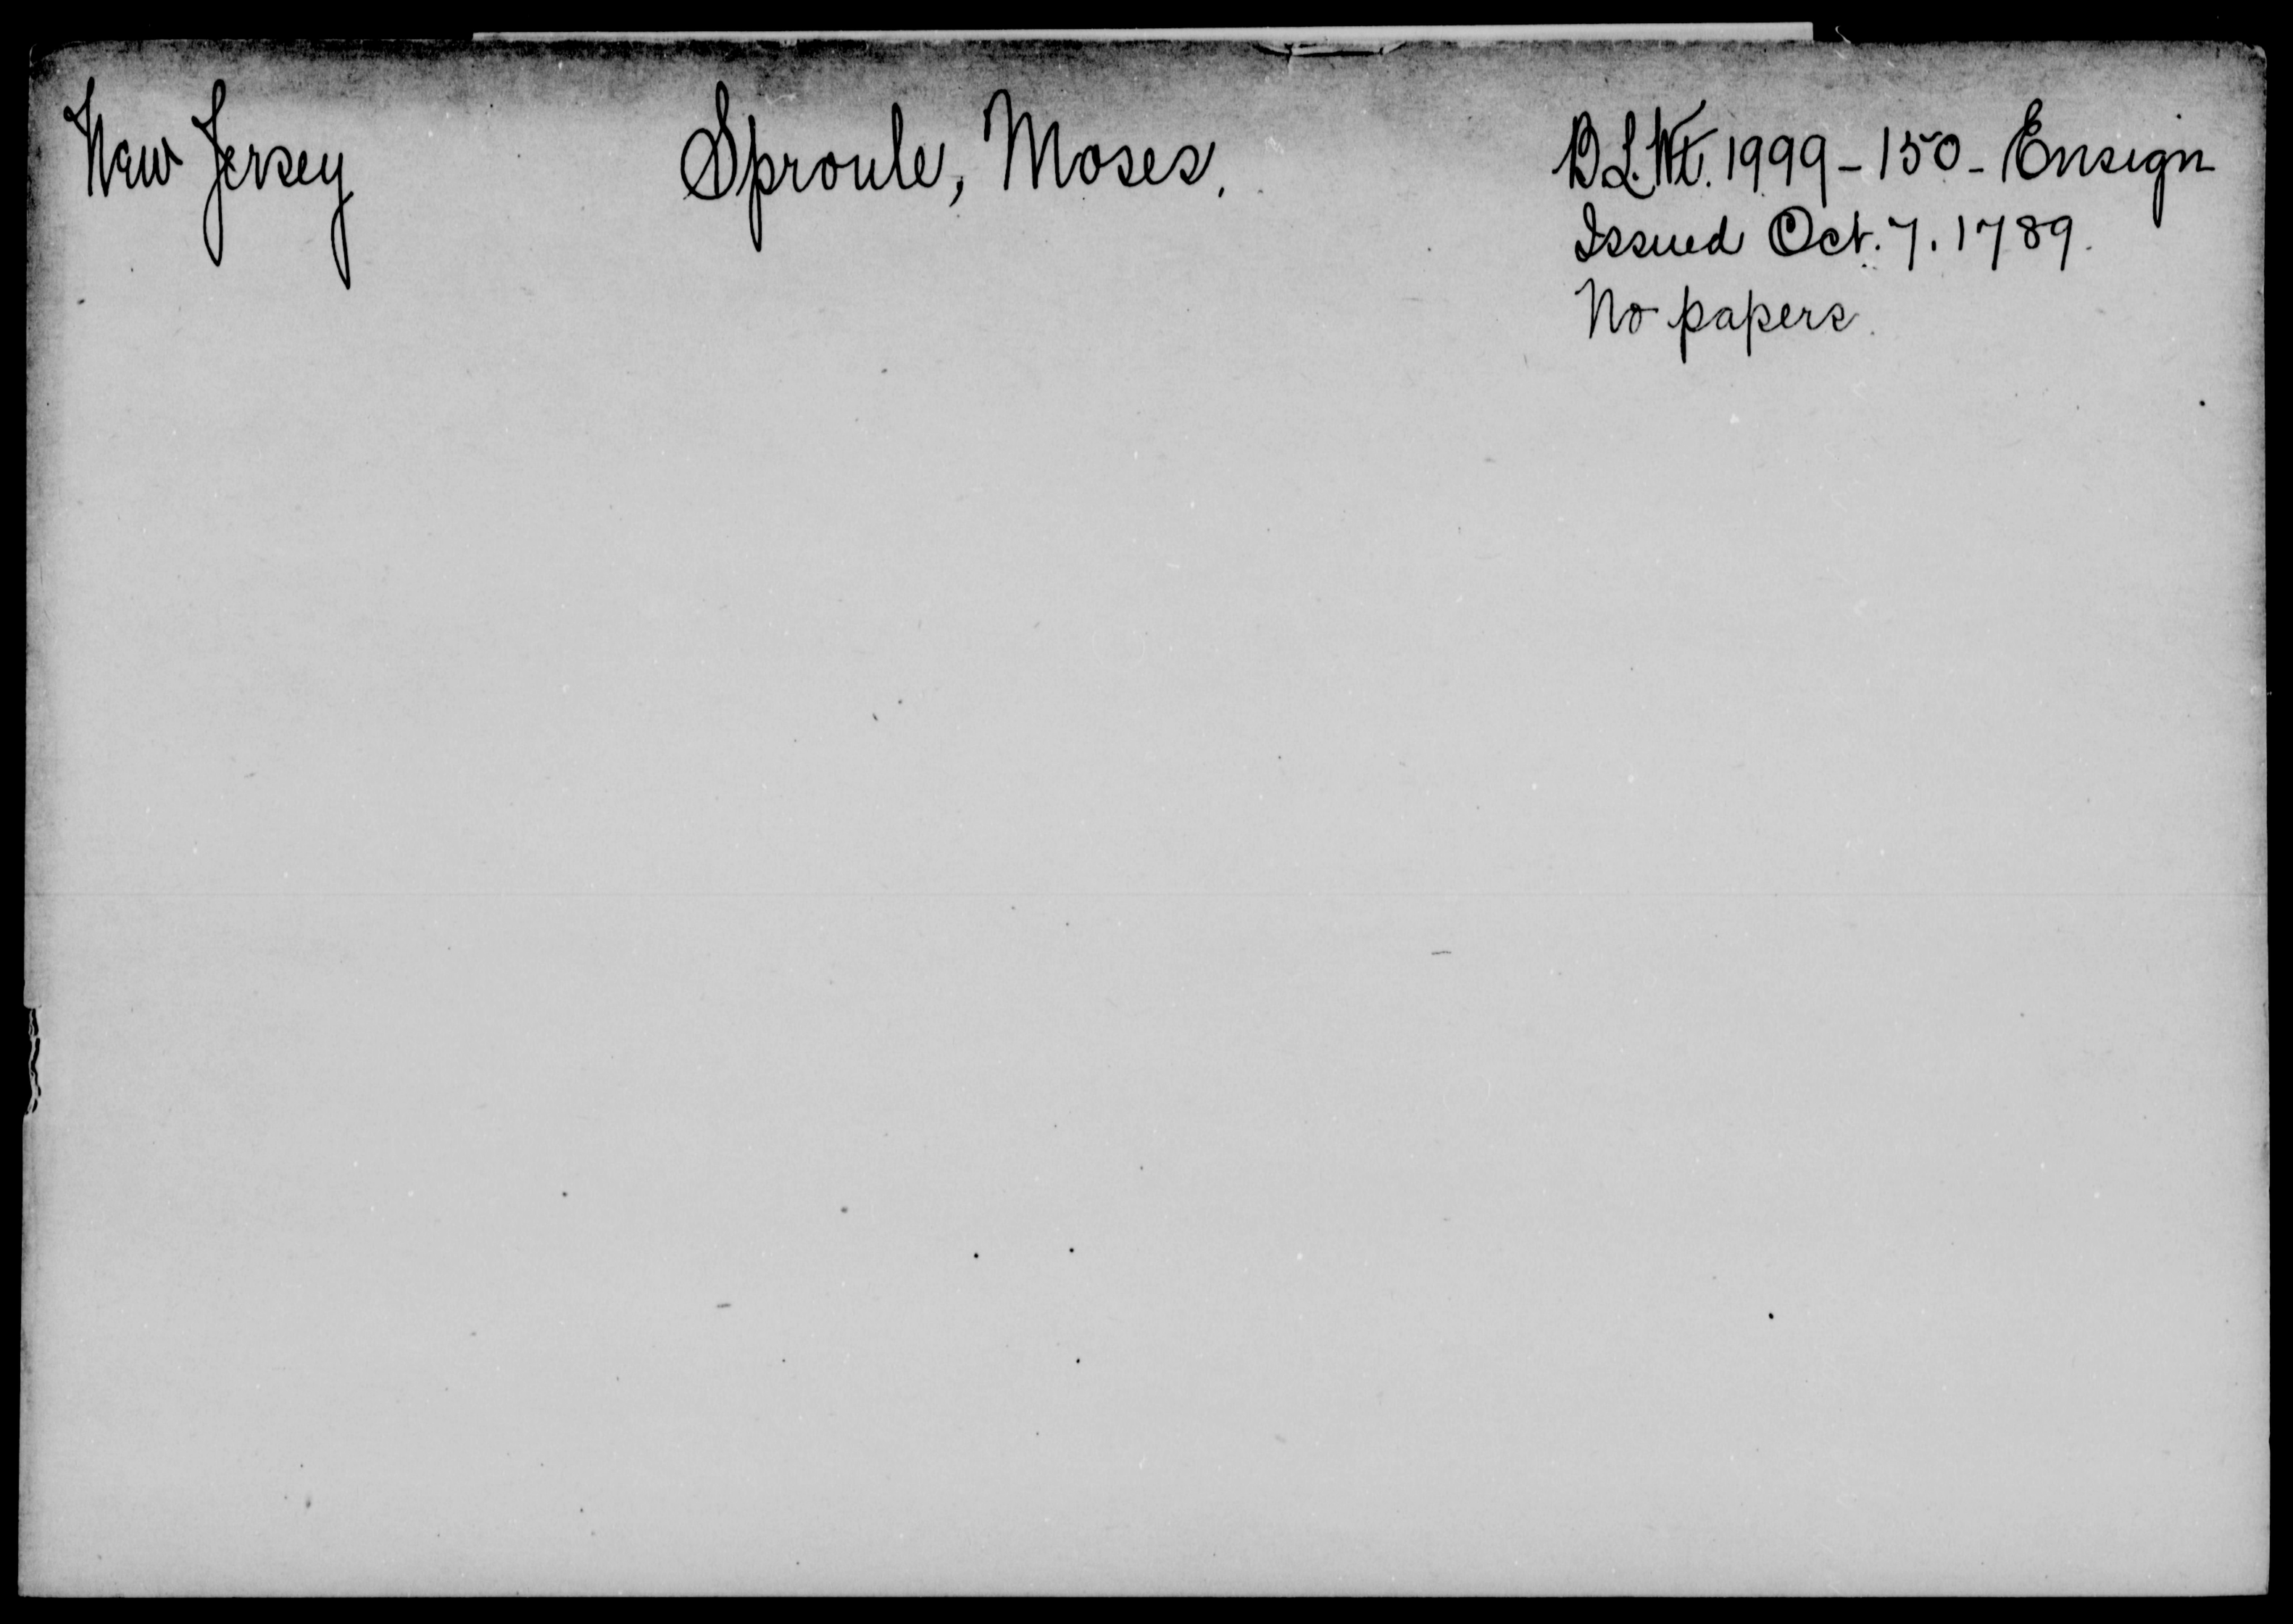New Jersey Sproule, Moses B.L.Wt. 1999-150 Ensign
Issued Oct .7.1789
No papers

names: [BLANK]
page: 1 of 1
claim: bounty land warrant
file: B. L. Wt. 1999-150, for Moses Sproule, New Jersey